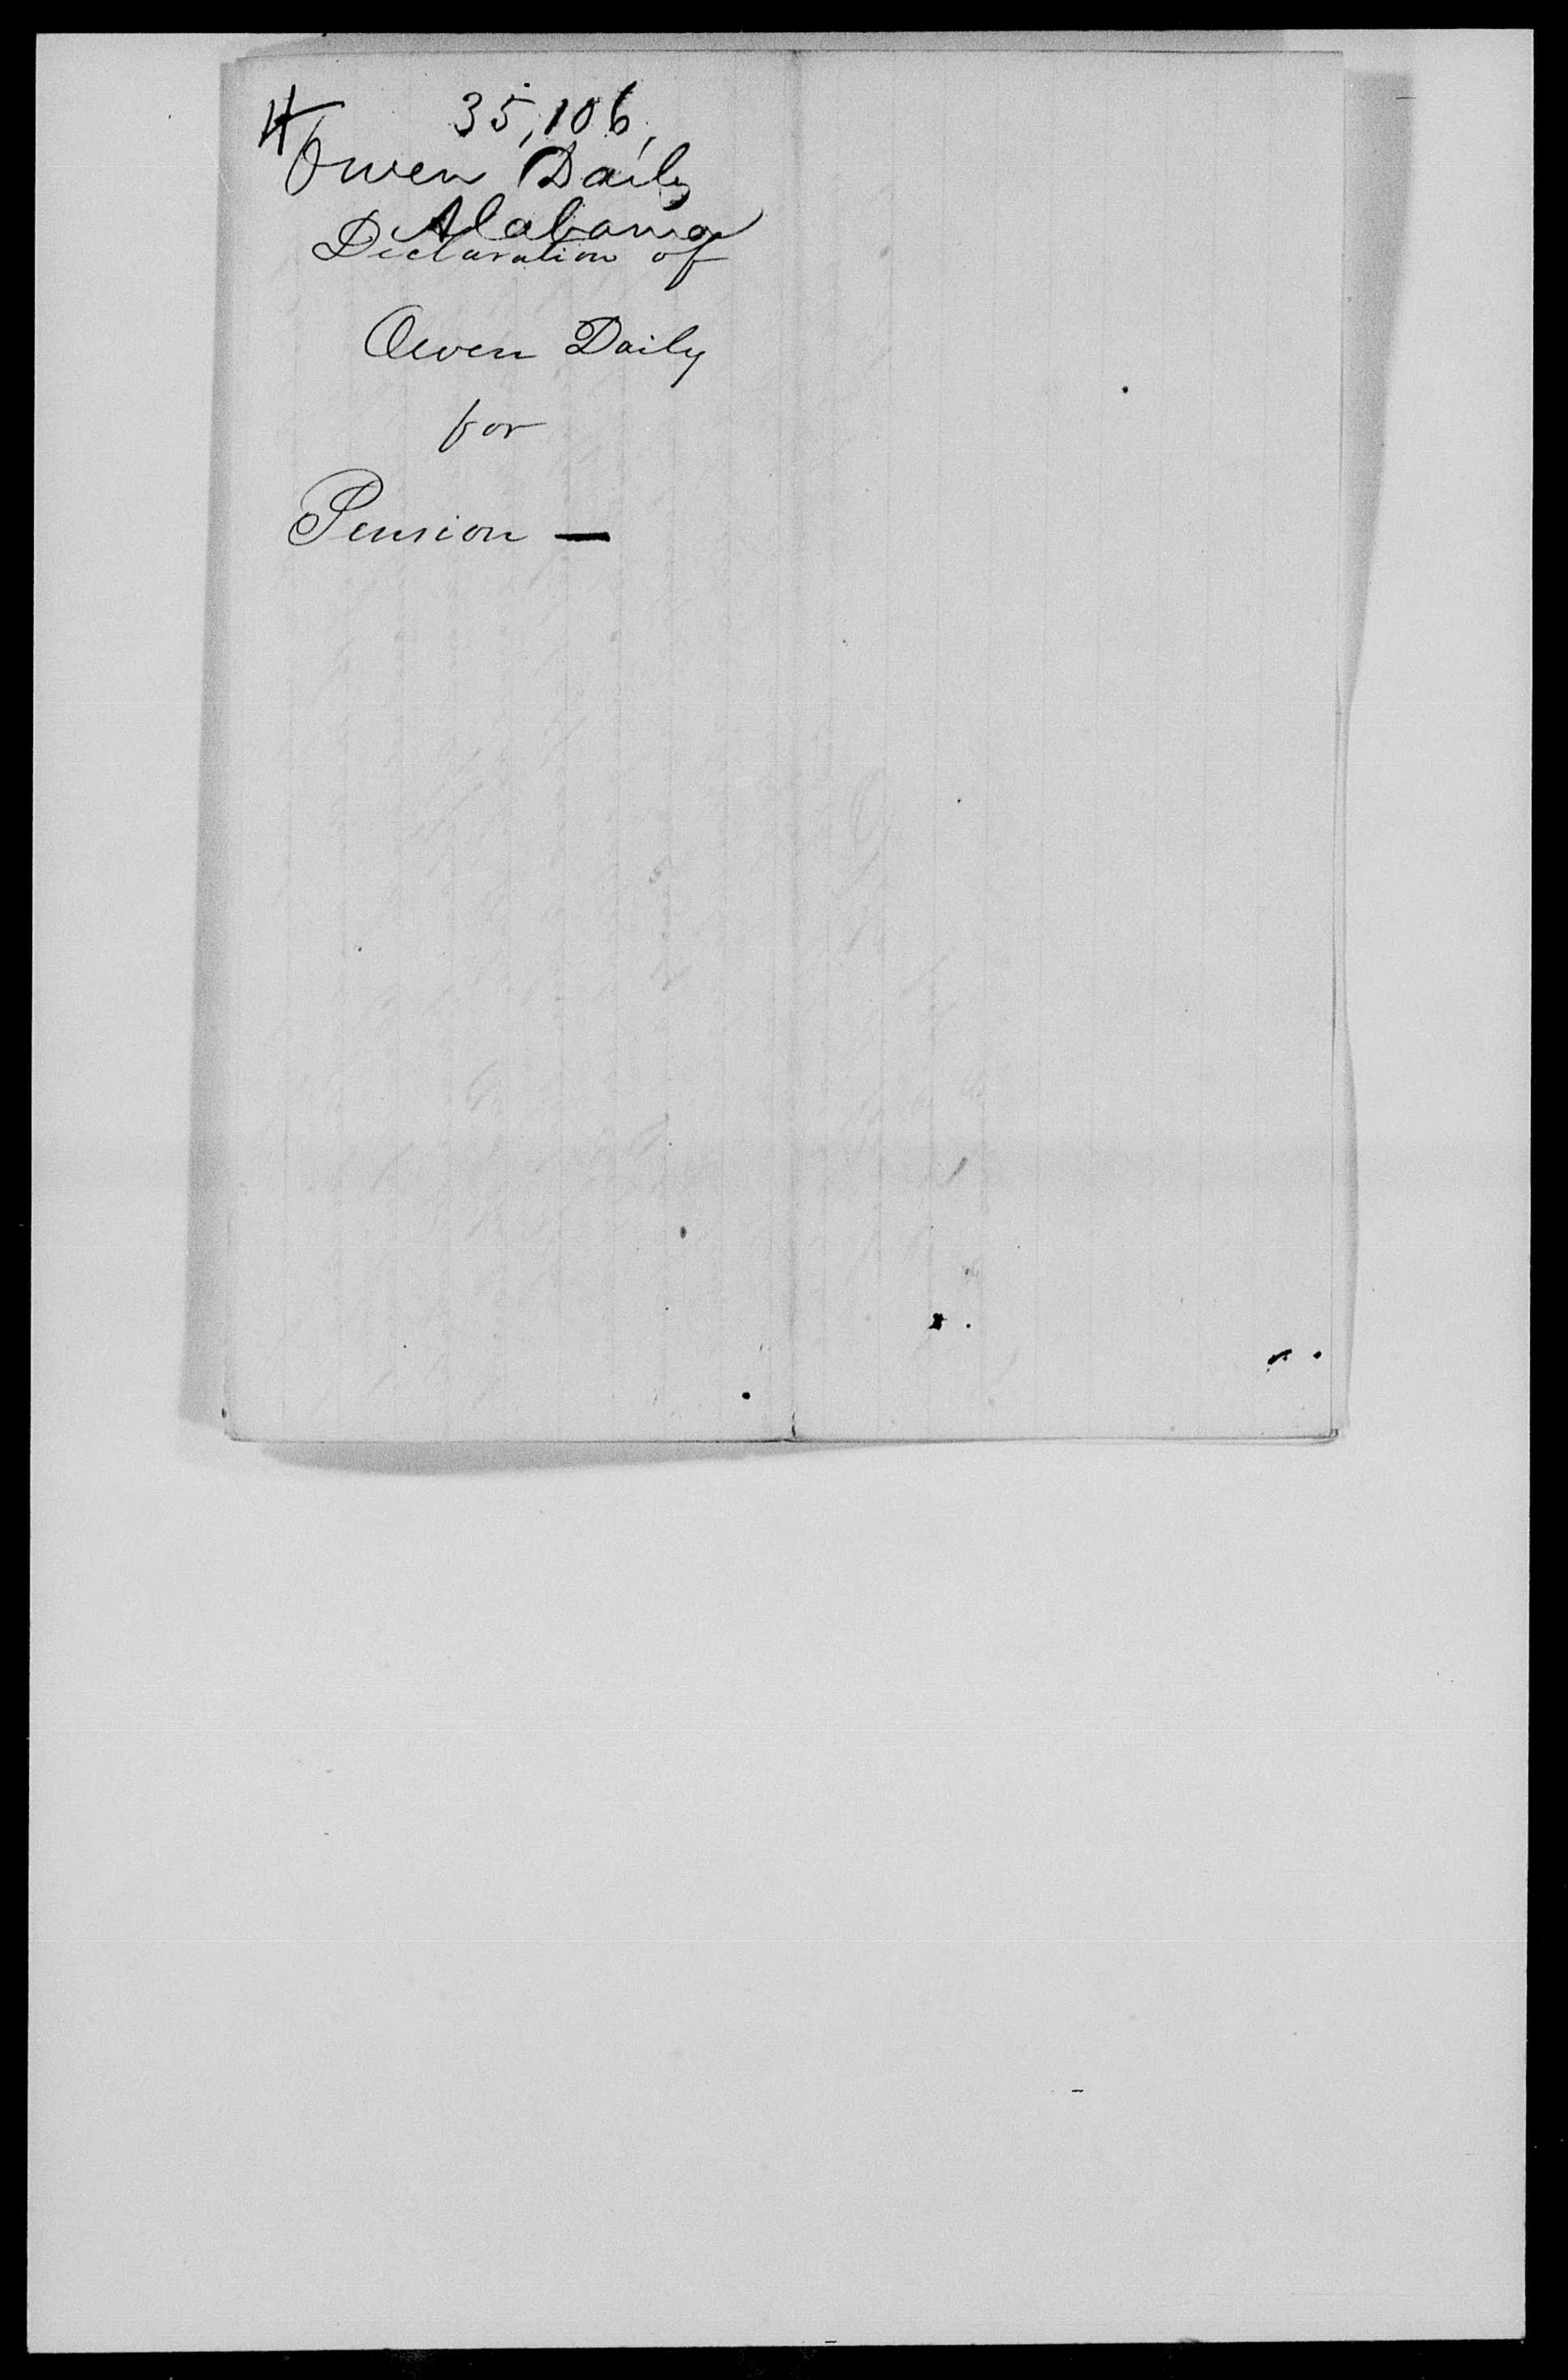4
35, 106

Owen Daily

Alabama

Declaration

Owen Daily
for
Pension -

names: Owen Daily, Owen Daily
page: 6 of 13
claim: rejected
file: R. 2,622, Owen Dailey, S.C.